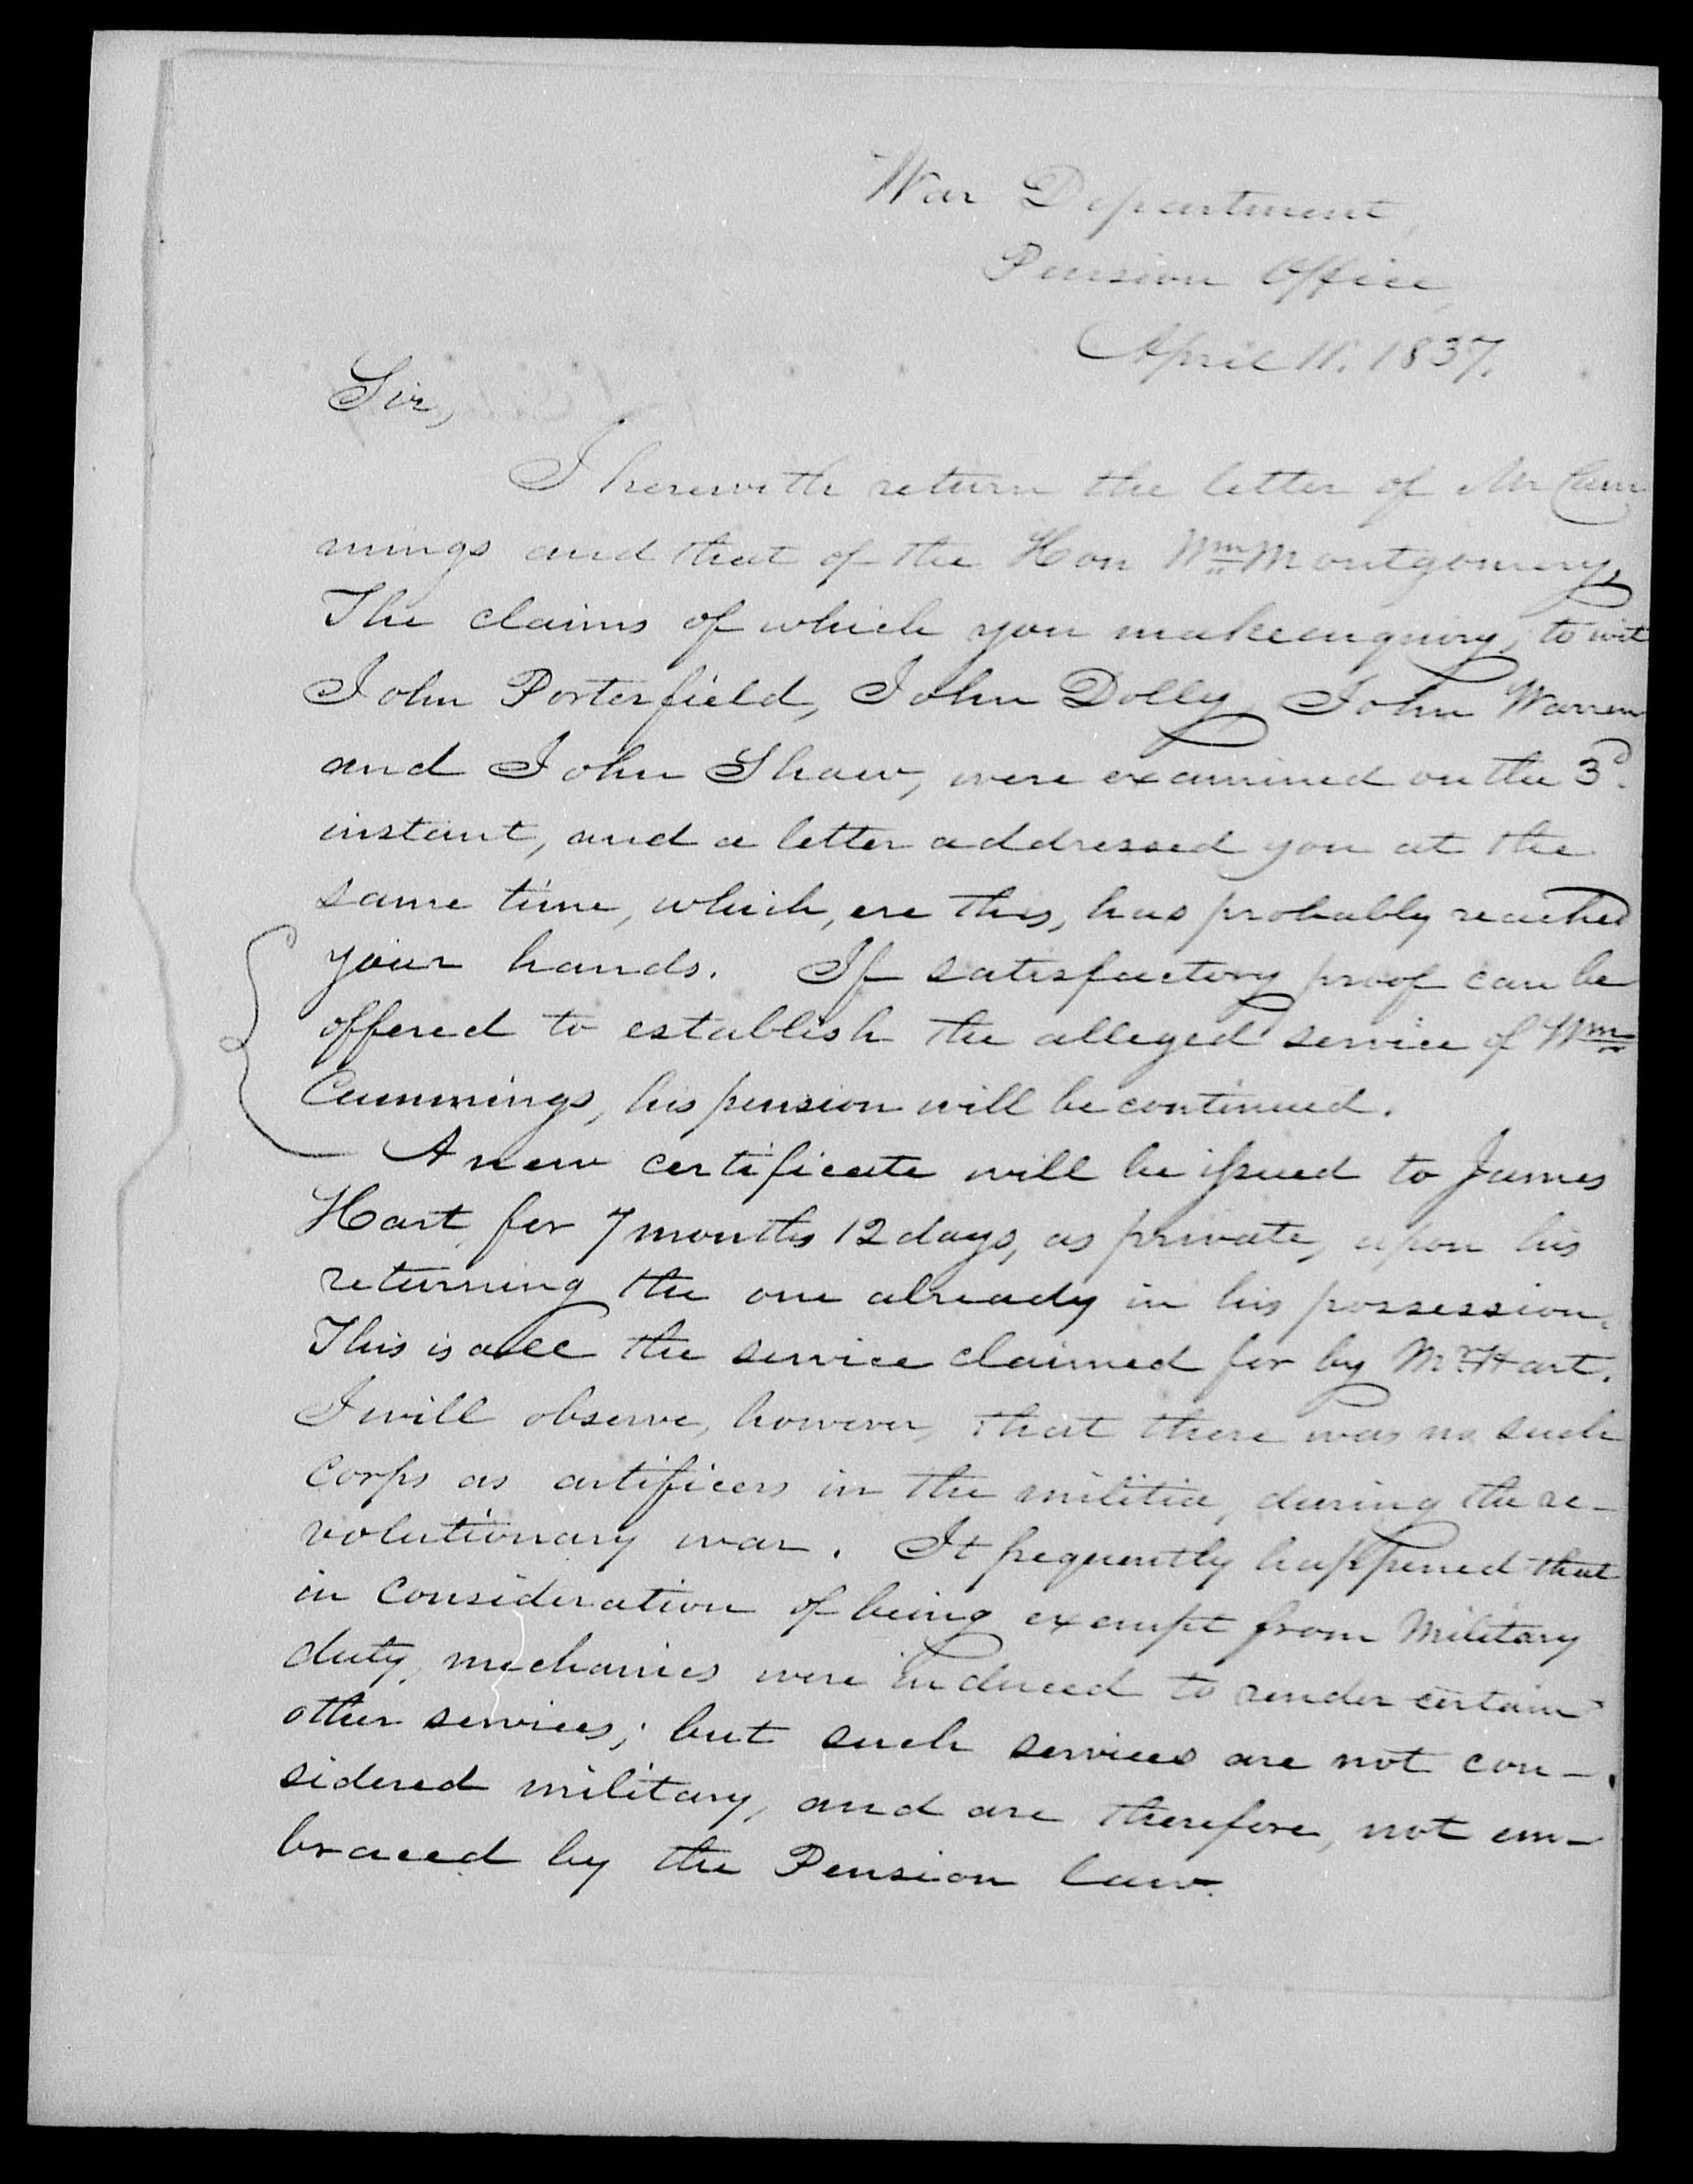[Handwritten letter.  Occasional spacing has been included to make the long text block easier to read.]

War Department
Pension Office,
April 11, 1837.

Sir, 

I herewith return the letter of Mr Cummings and that of the Hon Wm Montgomery,

The claims of which you make enquiry, to wit John Porterfield, John Dolly, John Warren and John Shaw, were examined on the 3d. instant [meaning on the 3rd of this month, so April 3, 1837] and a letter addressed to you at the same time, which, ere this, has probably reached your hands.  [A hand-drawn bracket on the left side of page, begins to the left side of the phrase "your hands" and continues through to the end of this paragraph.]  If satisfactory proof can be offered to establish the alleged service of Wm Cummings, his pension will be continued.

A new certificate will be issued to James Hart for 7 months 12 days, as private, upon his returning the one already in his possession.  This is all the service claimed for by Mr. Hart. 

[In slightly lighter ink:] I will observe, however, that there was no such Corps as artificers in the militia, during the revolutionary war.  It frequently happened that in Consideration of being exempt from Military duty mechanics were induced to render certain other services; but such services are not considered military, and are therefore, not embraced by the Pension law.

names: Wm Cummings, Hart, Cummings, James Hart, John Warren, John Shaw, John Porterfield, John Dolly, Wm Montgomery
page: 61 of 145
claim: survivor's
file: S. 8265, William Cumming, N.C.